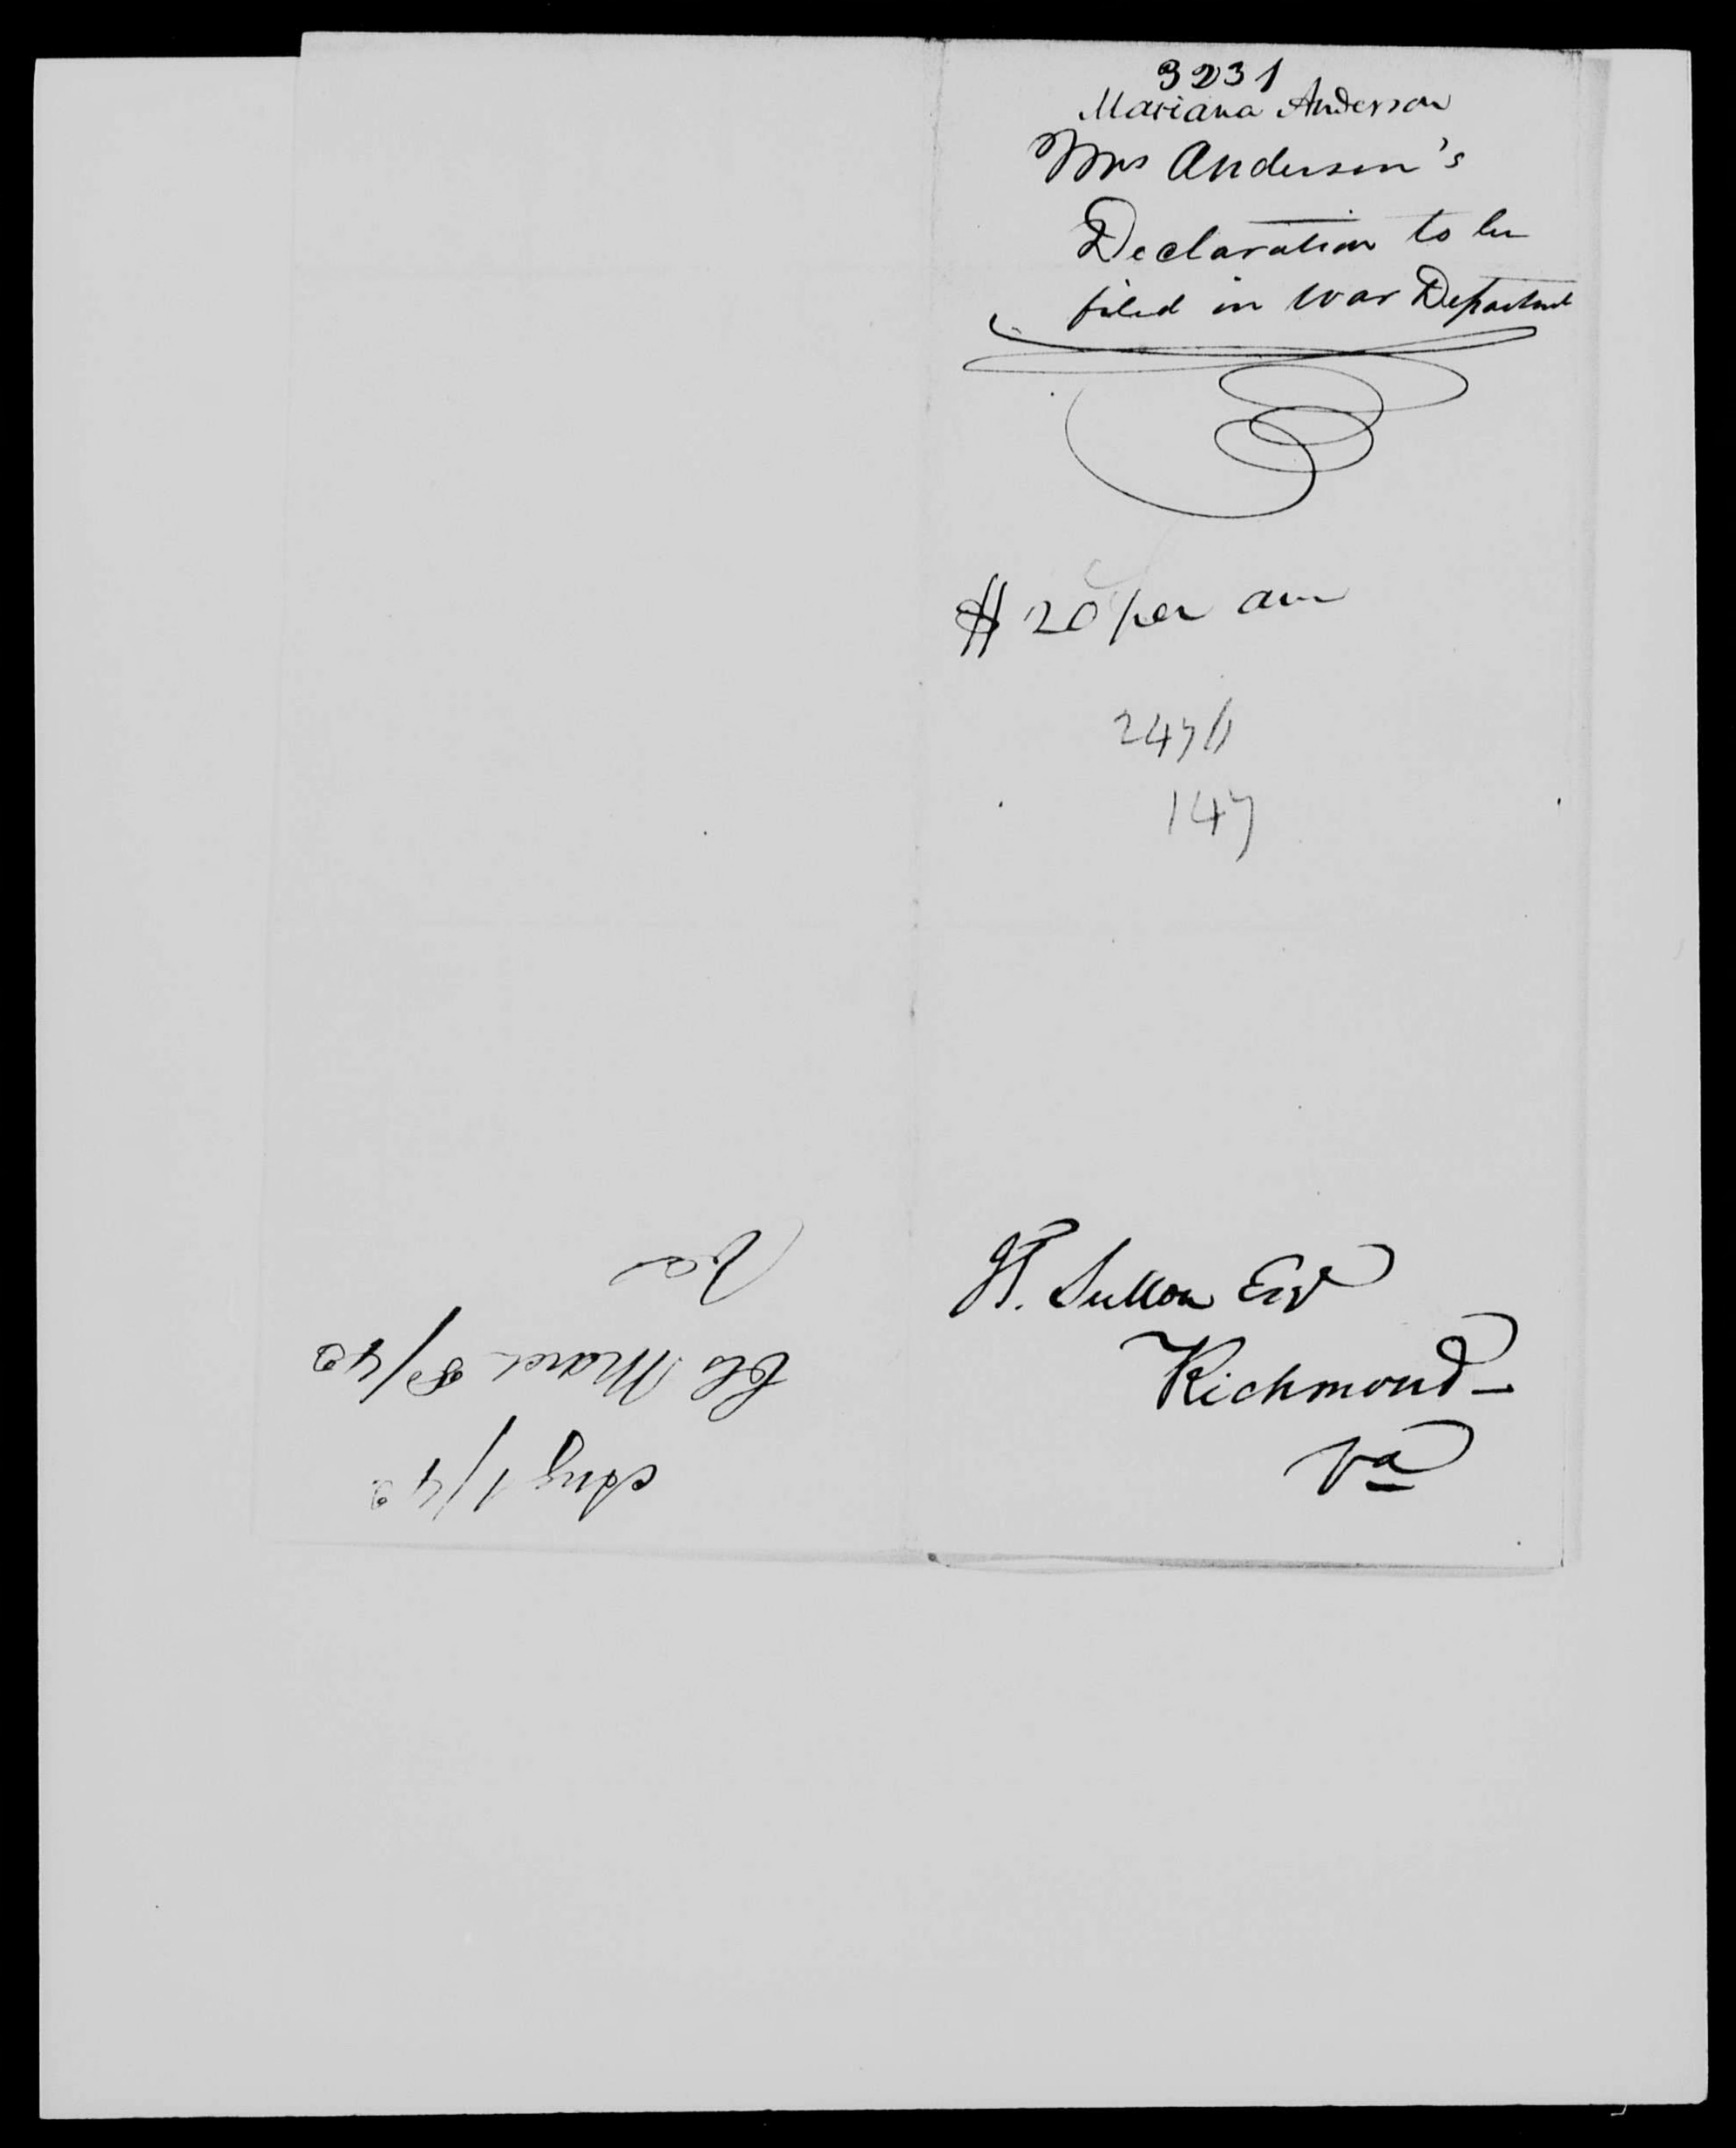3231
Mariana Anderson
Mrs Anderson's
Declaration to be
filed in War Department
$20 per ann
2476
147
J T. Sutton Esqr
Richmond
Va

Aug 1/43
Cls March 8/43
Va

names: H Sutton, Anderson, Mariana Anderson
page: 26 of 43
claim: widow's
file: W. 5,626, Nathan Anderson, Va.